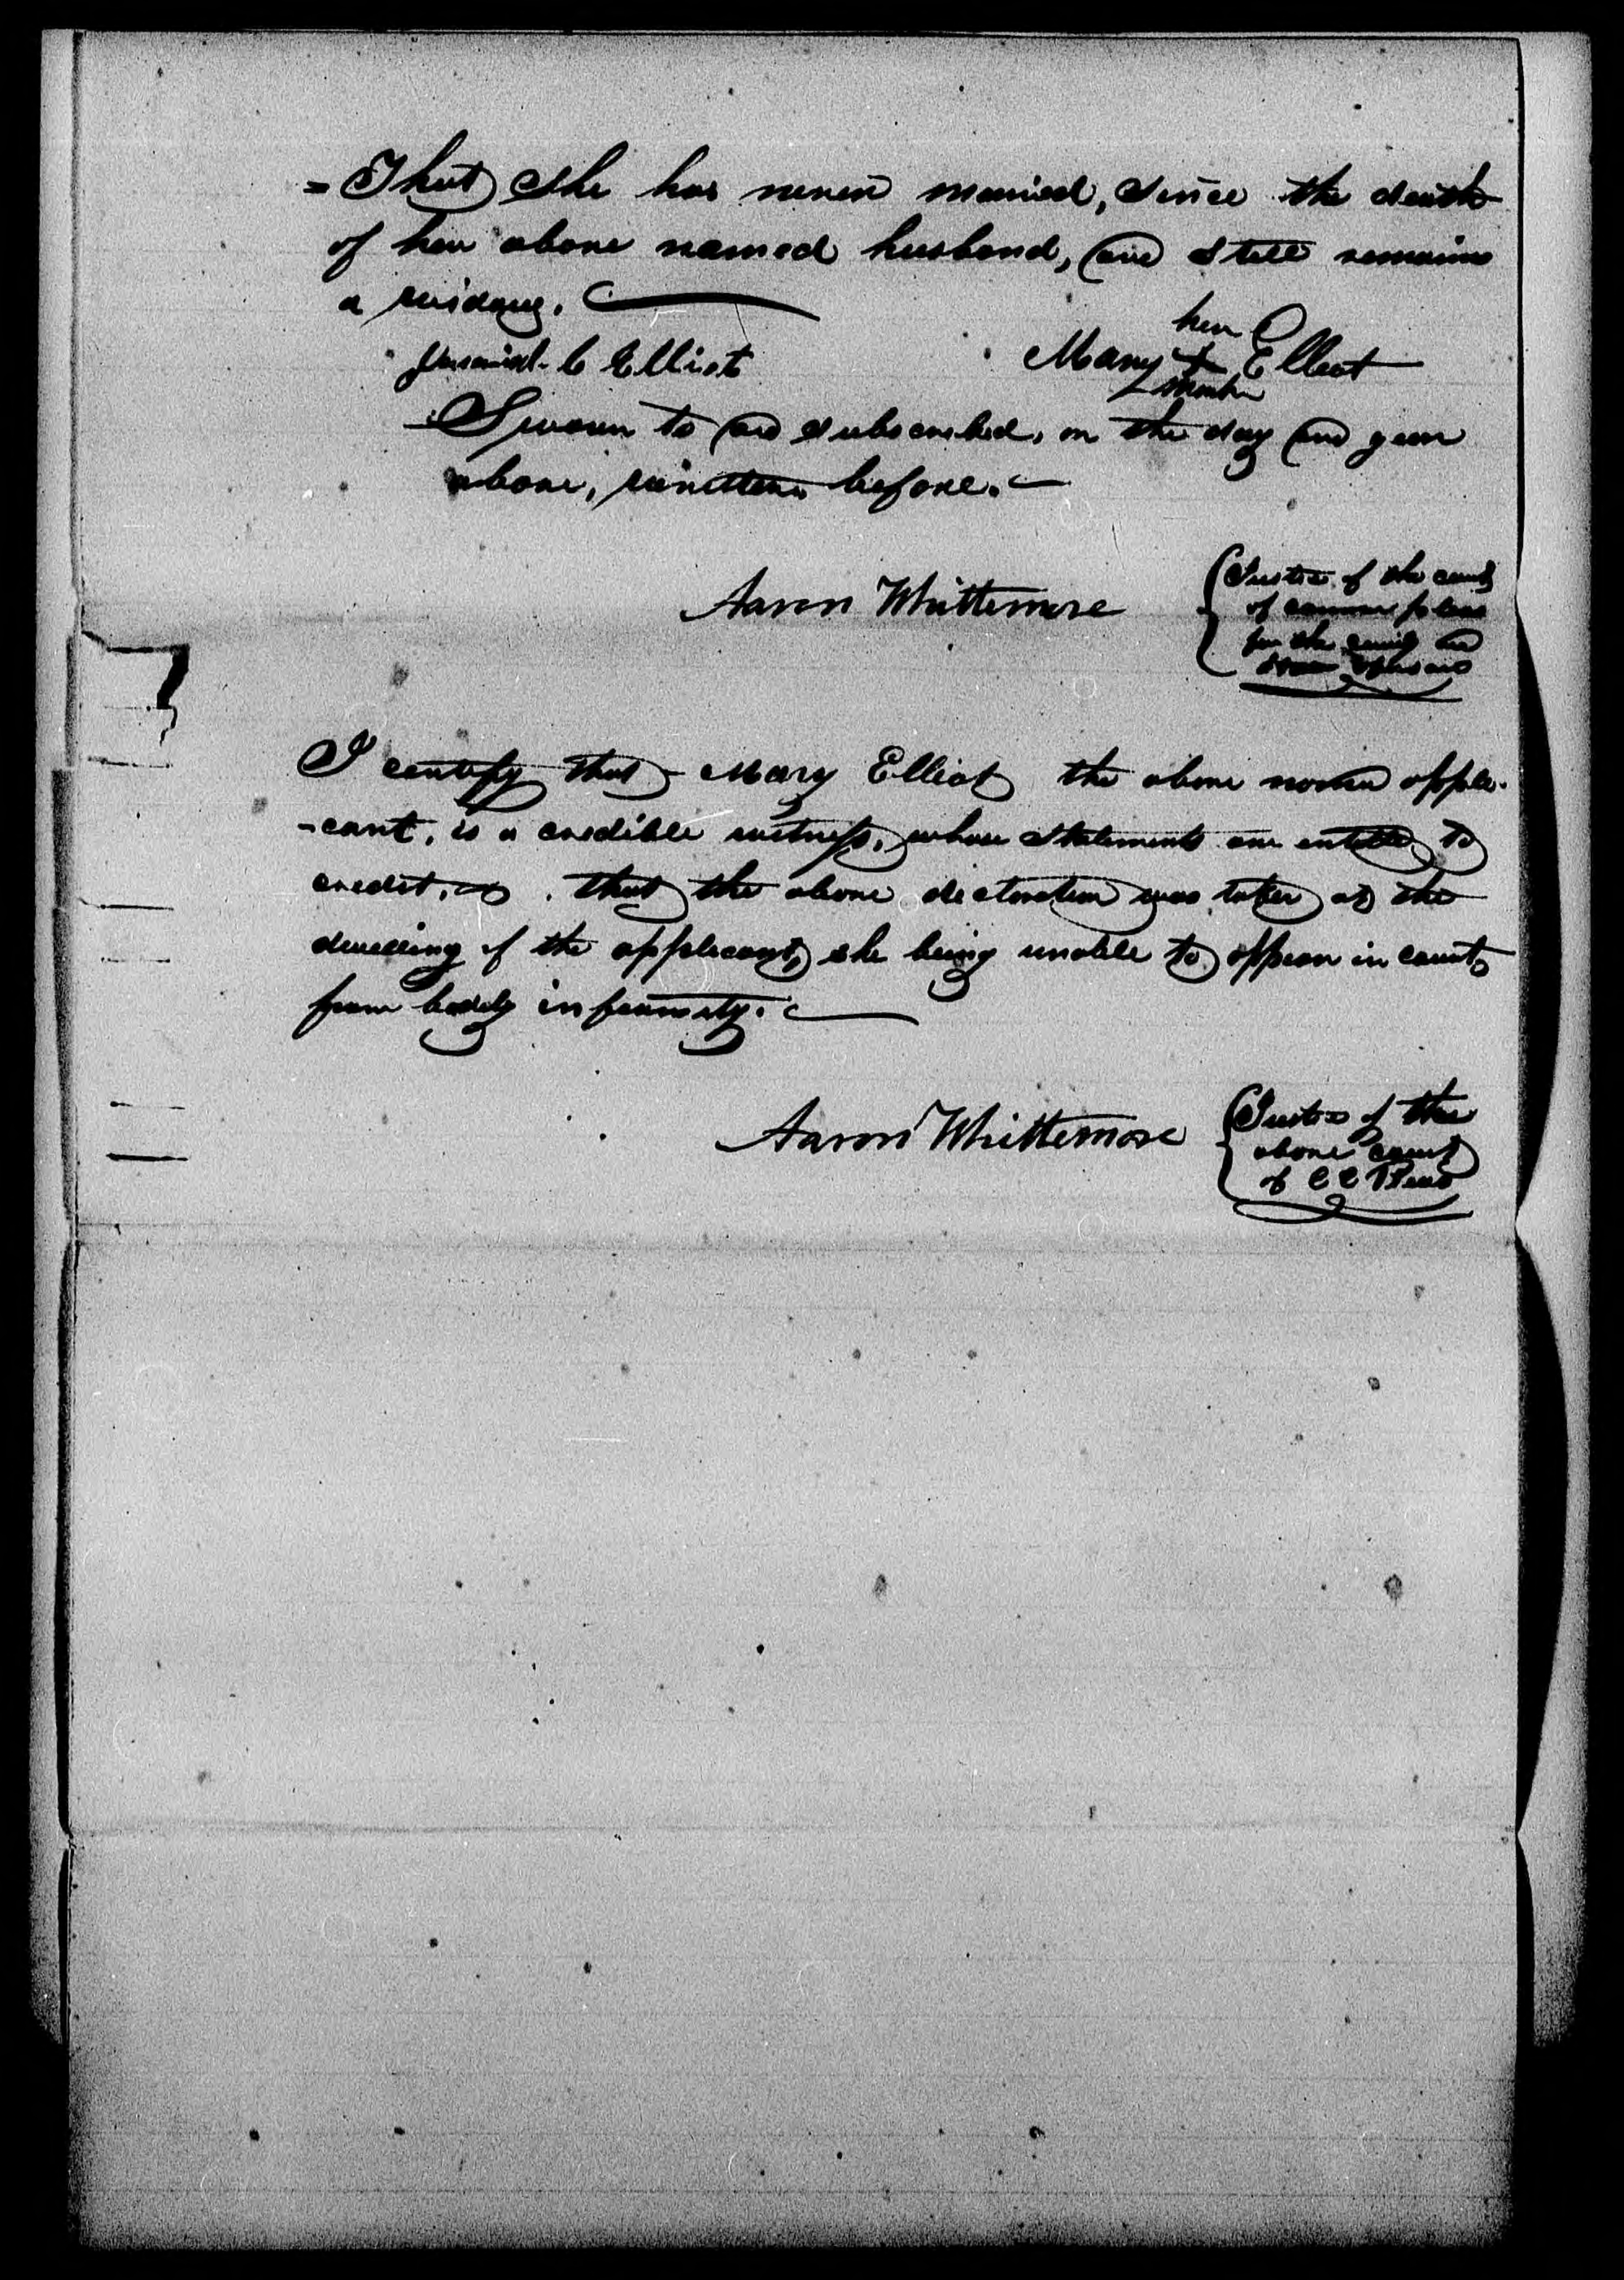That she has never married, since the death of her above named husband, and still remains a widow
Mary Elliot her mark
[Jeremiah?] C Elliot

Sworn to and subscribed on the day and year
above written before.
Aaron Whittemore
Justice of the court of common pleas for the [illegible] and state aforesaid

I certify that Mary Elliott the above named applicant is a credible witness, whose statements are entitled to credit & that the above declaration was taken at the dwelling of the applicant, she being unable to appear in court
from bodily infirmity.
Aaron Whittemore
Justice of the above court of C C Pleas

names: Aaron Whittemore, Aaron Whittemore, Jeremiah C Elliot, Mary Elliot, Mary Elliot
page: 15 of 57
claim: widow's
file: W. 16,114, John Elliot, Continental (Mass) N.H.